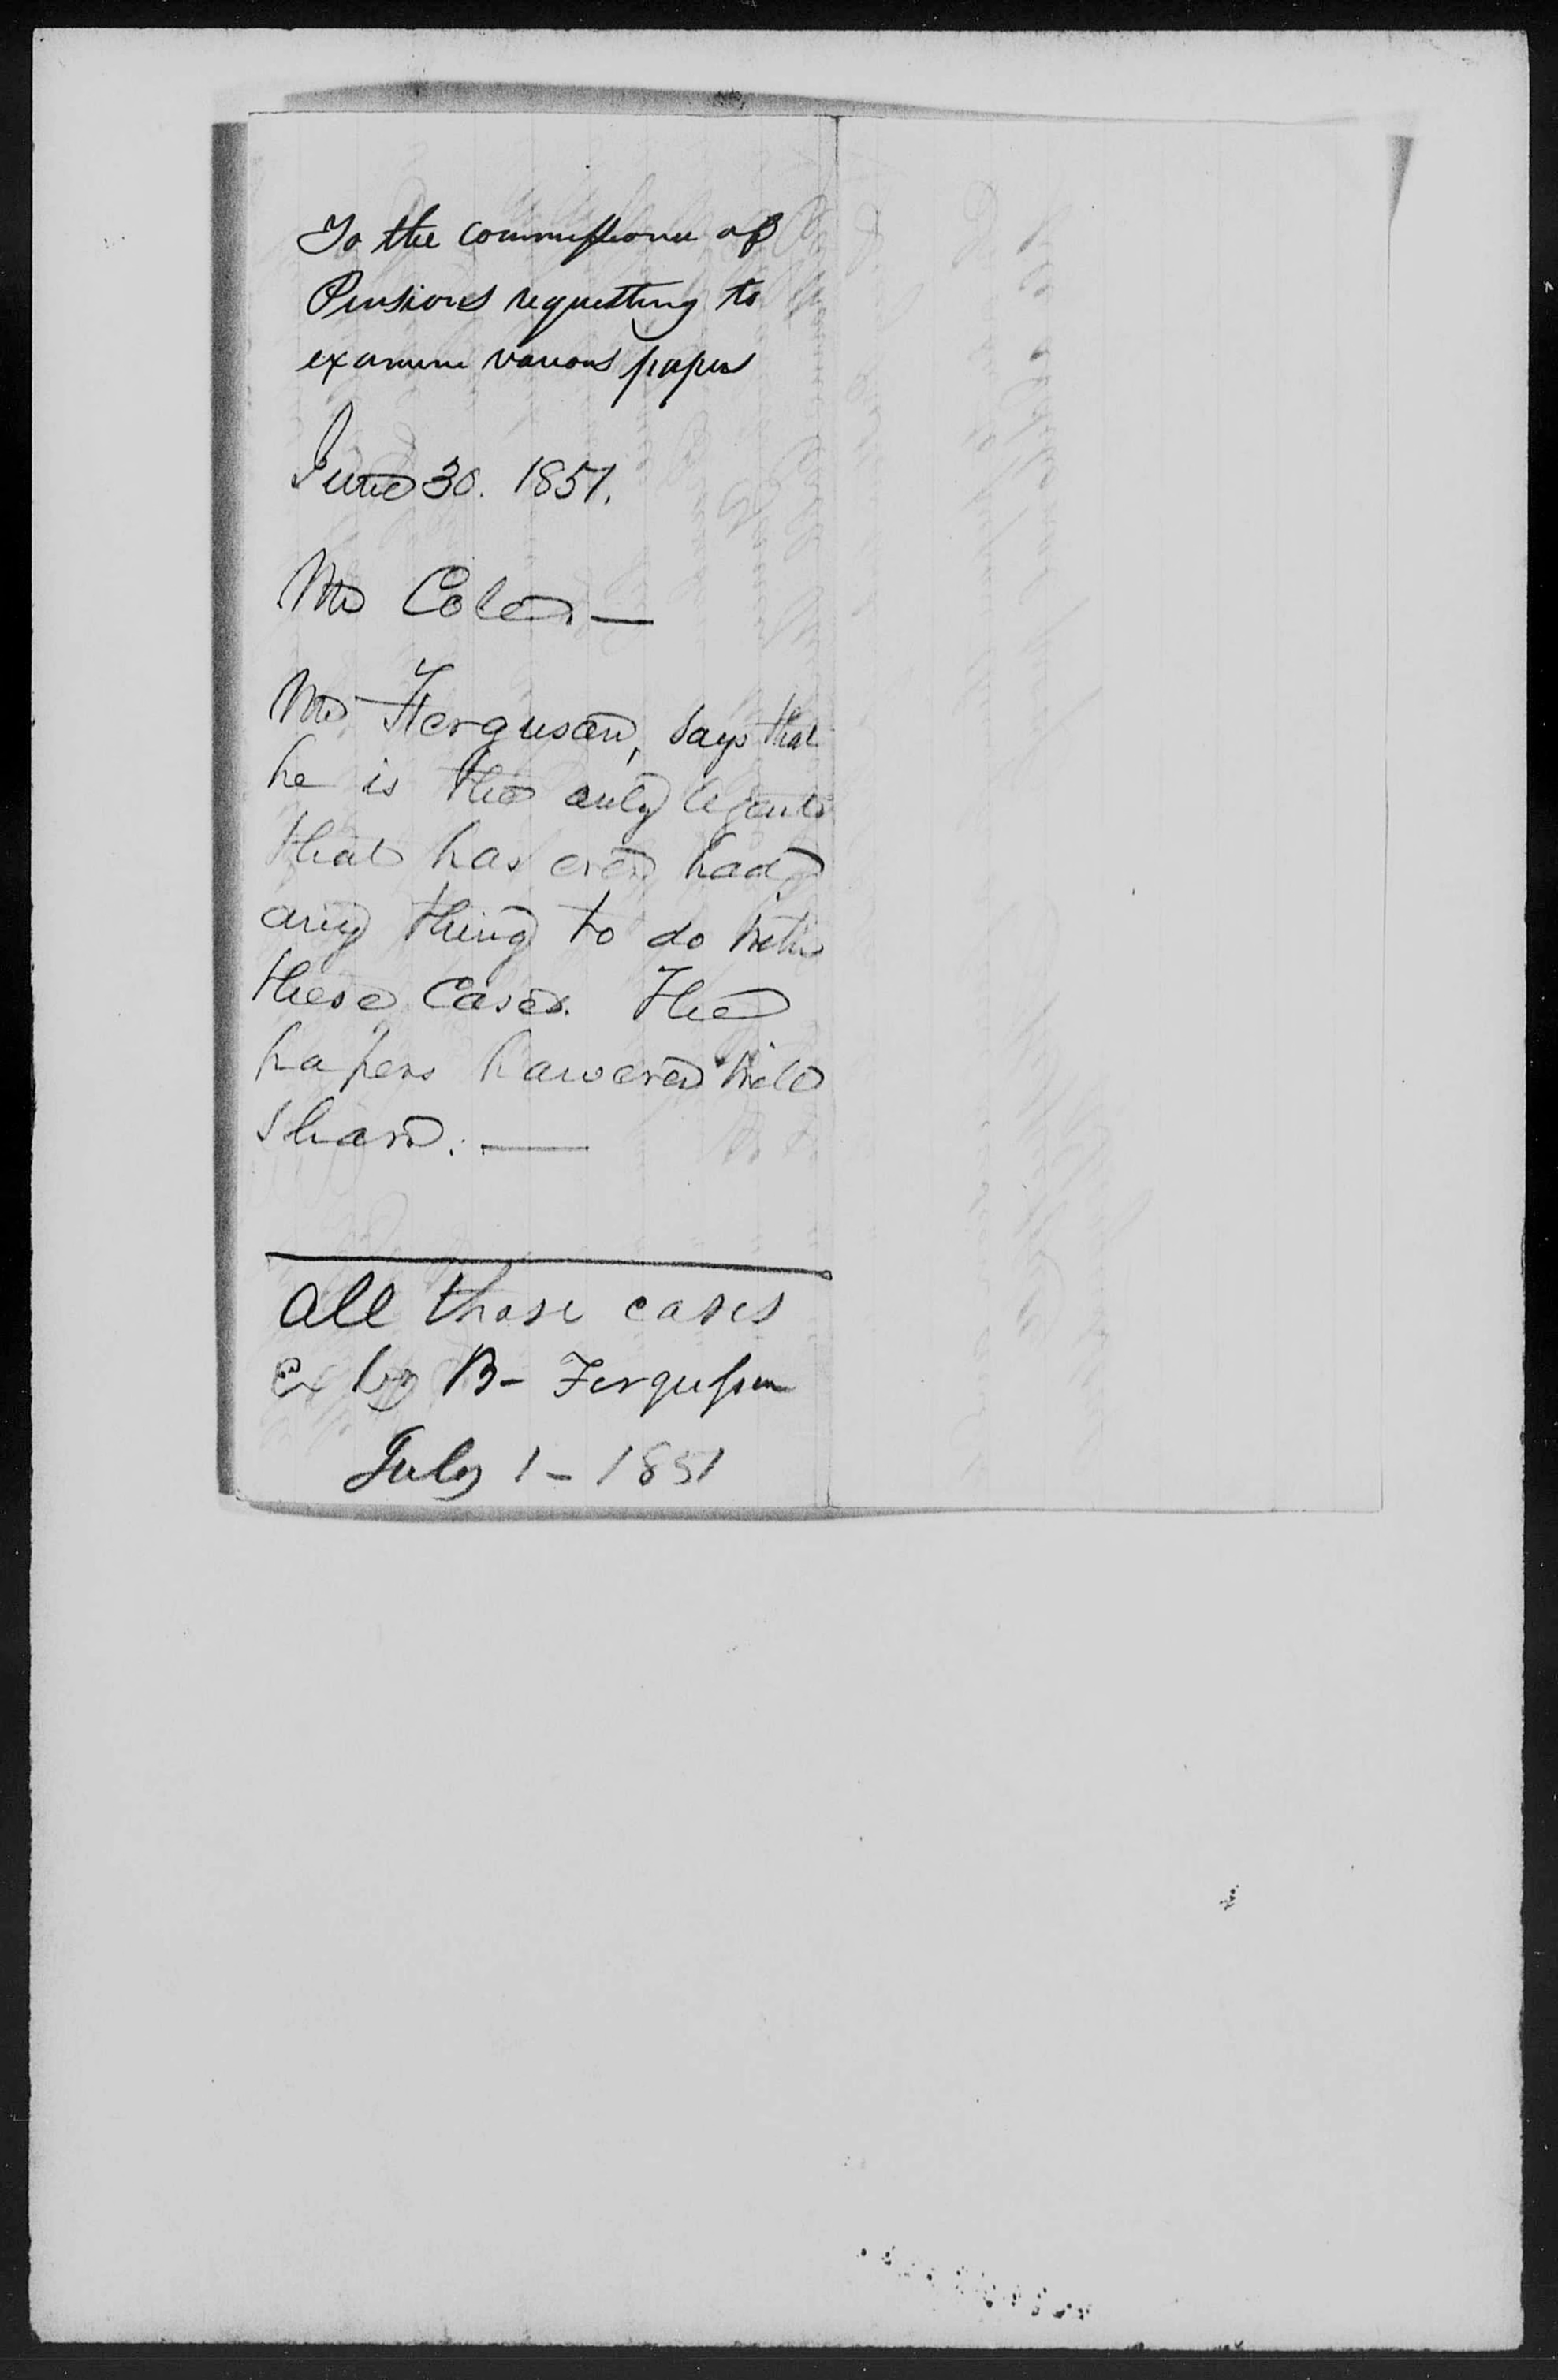Mo [illegible]
Mo Fergusson, days that 
He is this only agents
That has ever had
Any thing to do [illegible]
These cases. His
Papers [illegible] [illegible]
[illegible]. –
--
All the cases 
[illegible] B Fergusson
July 1 - 1851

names: Cole, Fergusson, Ferguson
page: 44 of 62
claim: widow's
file: W 7005, Frederick Debow, N.C.